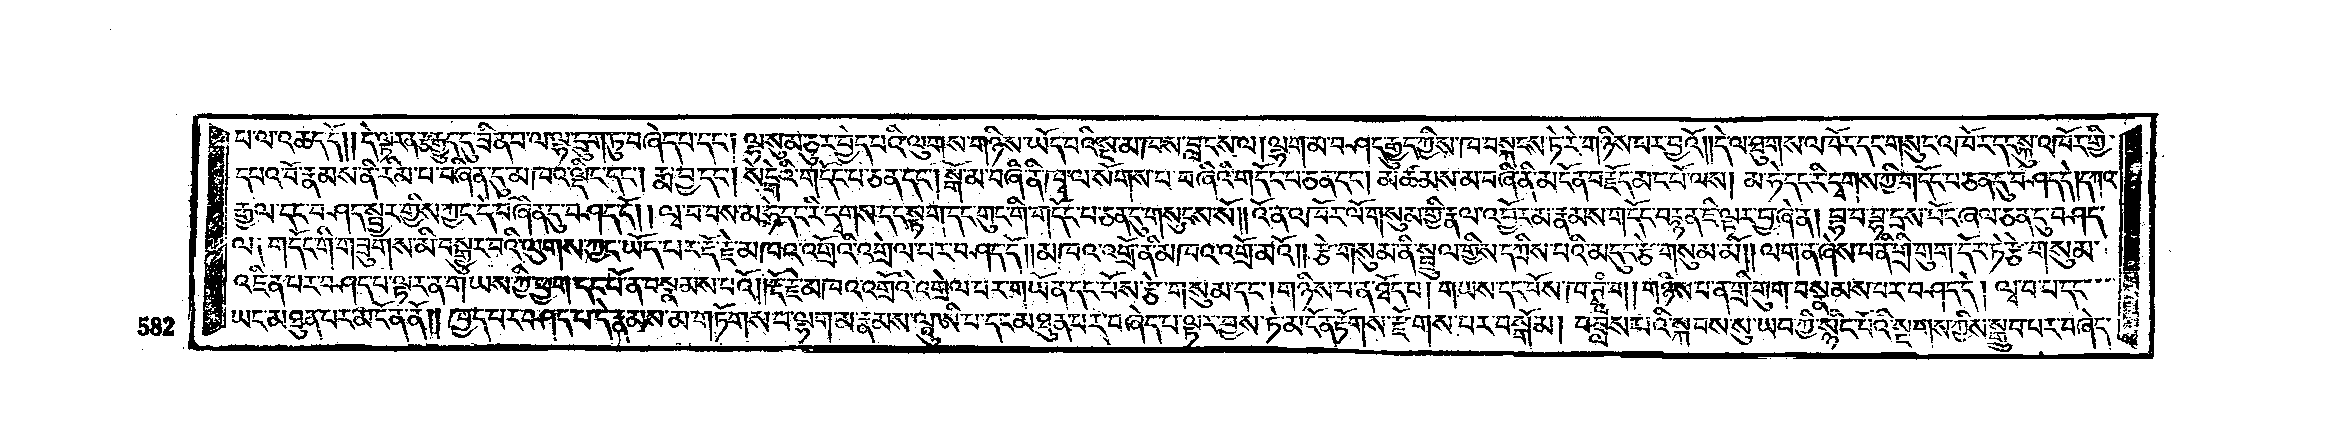པ་ལ་འཆད་དོ། །དེ་ལྟར་ན་རྩ་རྒྱུད་དུ་ཟིན་པ་ལ་ལྷ་དྲུག་ཏུ་བཞེད་པ་དང་། ལྷ་སུམ་ཅུར་བྱེད་པའི་ལུགས་གཉིས་ཡོད་པའི་སྔ་མ་ཁས་བླངས་ལ། ལྷག་མ་བཤད་རྒྱུད་ཀྱིས་ཁ་བསྐངས་ཏེ་རེ་གཉིས་པར་བྱའོ། །དེ་ལ་ཐུགས་འཁོར་དང་གསུང་འཁོར་དང་སྐུ་འཁོར་གྱི་
དཔའ་བོ་རྣམས་ནི་རིམ་པ་བཞིན་དུ་མཁའ་ལྡིང་དང་། རྨ་བྱ་དང་། སེངྒེའི་གདོང་པ་ཅན་དང་། སྒོ་མ་བཞི་ནི་ཁྭ་ལ་སོགས་པ་བཞིའི་གདོང་པ་ཅན་དང་། མཚམས་མ་བཞི་ནི་མངོན་བརྗོད་མང་པོ་ལས། མ་ཧེ་དང་རི་དྭགས་ཀྱི་གདོང་པ་ཅན་དུ་བཤད་དེ། དཀའ་
རྒྱལ་དང་བཤད་སྦྱར་གྱིས་ཀྱང་དེ་བཞིན་དུ་བཤད་དོ། །ལྭ་བ་པས་མ་ཧེ་དང་རི་དྭགས་དང་སྟག་དང་གུང་གི་གདོང་པ་ཅན་དུ་གསུངས་སོ། །འོ་ན་འཁོར་ལོ་གསུམ་གྱི་རྣལ་འབྱོར་མ་རྣམས་གདོང་བརྙན་ཇི་ལྟར་བྱ་ཞེ་ན། བྷ་བ་བྷ་དྲས་བོང་ཞལ་ཅན་དུ་བཤད་
ལ༑ གདོང་གི་གཟུགས་མི་བསྒྱུར་བའི་ལུགས་ཀྱང་ཡོད་པར་རྡོ་རྗེ་མཁའ་འགྲོའི་འགྲེལ་པར་བཤད་དོ། །མཁའ་འགྲོ་ནི་མཁའ་འགྲོ་མའོ། །རྩེ་གསུམ་ནི་སྦྲུལ་གྱིས་དཀྲིས་པའི་མདུང་རྩེ་གསུམ་མོ། །ལག་ན་ཞེས་པ་ནི་གྲི་གུག་དོར་ཏེ་རྩེ་གསུམ་
འཛིན་པར་བཤད་པ་ལྟར་ན་གཡས་ཀྱི་ཕྱག་དང་པོ་ན་བསྣམས་པའོ། །རྡོ་རྗེ་མཁའ་འགྲོའི་འགྲེལ་པར་གཡོན་དང་པོས་རྩེ་གསུམ་དང་། གཉིས་པ་ན་ཐོད་པ། གཡས་དང་པོས་ཁ་ཊྭཱཾ་ག །གཉིས་པ་ན་གྲི་གུག་བསྣམས་པར་བཤད་དེ། ལྭ་བ་པ་དང་
ཡང་མཐུན་པར་མངོན་ནོ། །ཁྱད་པར་བཤད་པ་དེ་རྣམས་མ་གཏོགས་པ་ལྷག་མ་རྣམས་ལཱུ་ཨི་པ་དང་མཐུན་པར་བཞེད་པ་ལྟར་བྱས་ཏེ་མངོན་རྟོགས་རྫོགས་པར་བསྒོམ། བཟླས་པའི་སྐབས་སུ་ཡབ་ཀྱི་སྙིང་པོའི་སྔགས་ཀྱིས་སྒྲུབ་པར་བཞེད་